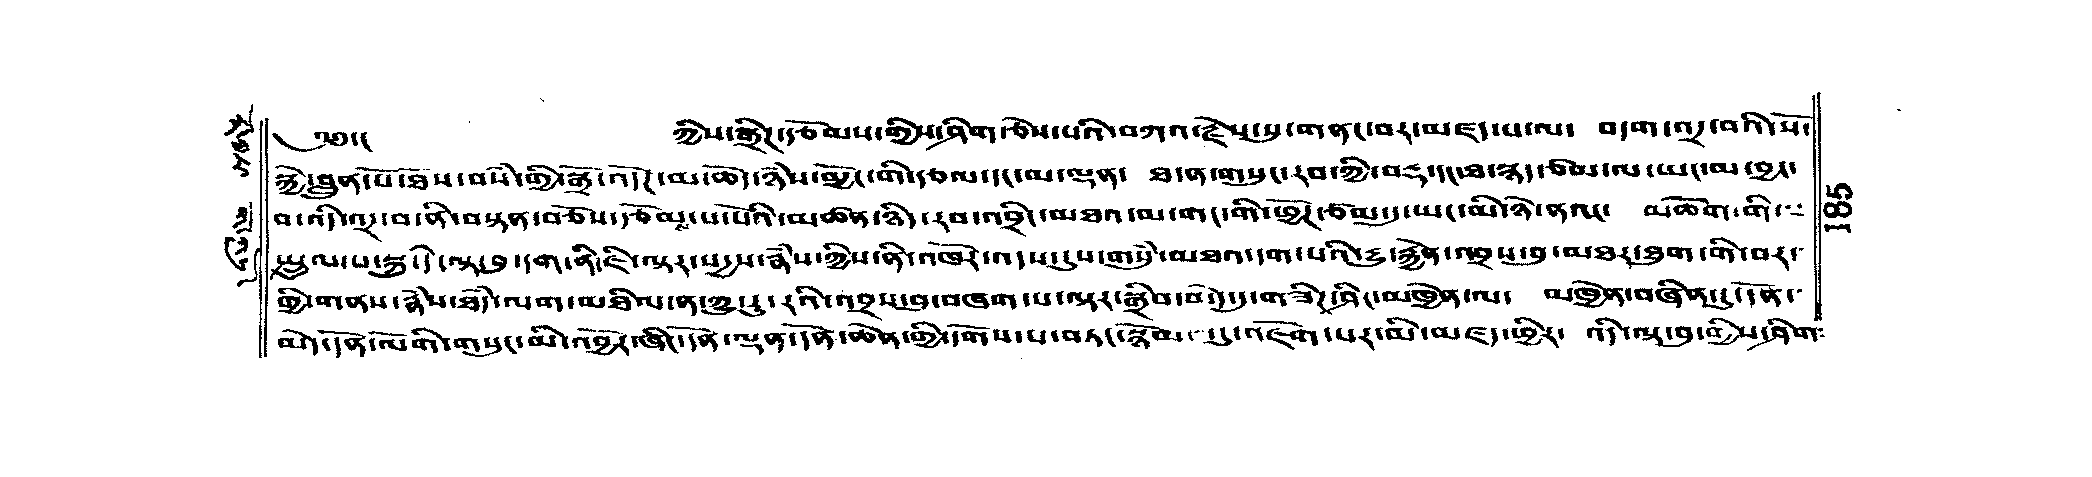ཀྱིས་སྒྲིག་རྩོམ་གྱིས་ཤིག་ཅེས་པའི་བཀའ་རྗེས་སུ་གནང་བར་མཛད་པ་ལ། བདག་འདྲ་བའི་སོ་
སྐྱེ་བླུན་པོ་ཐོས་བསམ་གྱི་སྒྲོ་འདོགས་མ་ཆོད་ཉམས་མྱོང་གི་རྩལ་དང་མ་ལྡན། ཐ་ན་གསུང་རབ་ཀྱི་བརྡ་དང་ཐ་སྙད་ཙམ་ལ་ཡང་མ་བྱང་
བ་འདི་འདྲ་བས་ནི་བསྟན་བཅོས་རྩོམ་པ་པོའི་མཚན་ཉིད་རབ་འབྲིང་མཐའ་མ་གང་གི་ཕྱོགས་ཙམ་དུ་ཡང་མི་ཉེ་ནའང་། མཆོག་གི་
སྤྲུལ་པའི་སྐུ་དེ་ལྟ་བུ་དག་ནི་ཇི་ལྟར་སངས་རྒྱས་རྣམས་ཀྱིས་འཁོར་འདས་དུས་གསུམ་མཐའ་དག་གི་རྒྱུ་རྐྱེན་འབྲས་བུ་མཐར་ཐུག་གི་བར་
གྱི་གནས་རྣམས་ཐམས་ཅད་ལག་མཐིལ་ན་ཀྱུ་རུ་རའི་འབྲས་བུ་བཞག་པ་ལྟར་སྒྲིབ་མེད་དུ་གཟིགས་ཤིང་མཁྱེན་ལ། མཁྱེན་བཞིན་དུ་དོན་
མེད་དོན་ལོག་གི་གསུང་མི་འབྱོར་ཞིང་དོན་ལྡན་དོན་ཆེན་གྱི་དགོས་པ་བཏང་སྙོམས་སུ་འཇོག་པར་མི་མཛད་ཕྱིར། འདི་ལྟ་བུ་གྱིས་ཤིག་